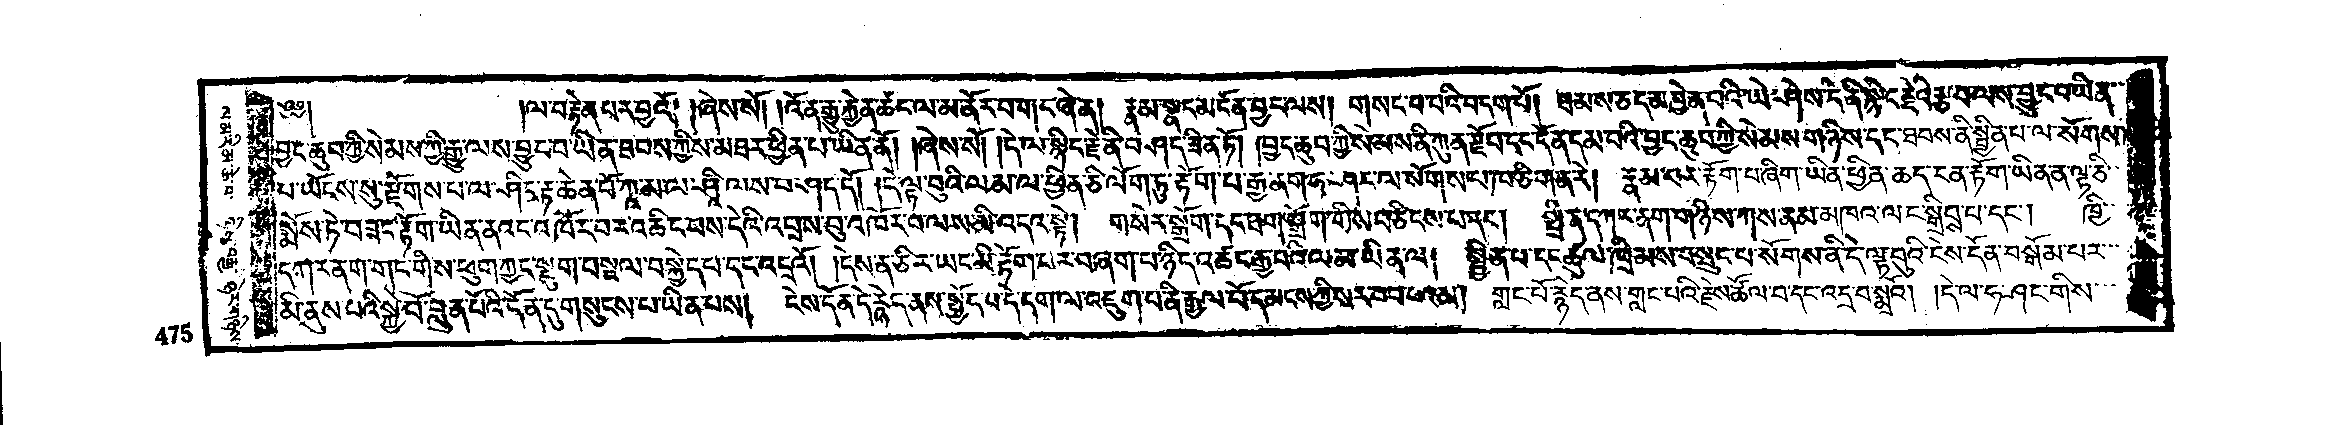༄༅། །ལ་བརྟེན་པར་བྱའོ། །ཞེས་སོ། །འོ་ན་རྒྱུ་རྐྱེན་ཚང་ལ་མ་ནོར་བ་གང་ཞེ་ན། རྣམ་སྣང་མངོན་བྱང་ལས། གསང་བ་པའི་བདག་པོ། ཐམས་ཅད་མཁྱེན་པའི་ཡེ་ཤེས་དེ་ནི་སྙིང་རྗེའི་རྩ་བ་ལས་བྱུང་བ་ཡིན་
བྱང་ཆུབ་ཀྱི་སེམས་ཀྱི་རྒྱུ་ལས་བྱུང་བ་ཡིན་ཐབས་ཀྱིས་མཐར་ཕྱིན་པ་ཡིན་ནོ། །ཞེས་སོ། །དེ་ལ་སྙིང་རྗེ་ནི་བཤད་ཟིན་ཏོ། །བྱང་ཆུབ་ཀྱི་སེམས་ནི་ཀུན་རྫོབ་དང་དོན་དམ་པའི་བྱང་ཆུབ་ཀྱི་སེམས་གཉིས་དང་ཐབས་ནི་སྦྱིན་པ་ལ་སོགས་
པ་ཡོངས་སུ་རྫོགས་པ་ལ་ཤིང་རྟ་ཆེན་པོ་ཀཱ་མ་ལ་ཤཱི་ལས་བཤད་དོ། །དེ་ལྟ་བུའི་ལམ་ལ་ཕྱིན་ཅི་ལོག་ཏུ་རྟོག་པ་རྒྱ་ནག་ཧྭ་ཤང་ལ་སོགས་པ་ཁ་ཅིག་ན་རེ། རྣམ་པར་རྟོག་པ་ཞིག་ཡིན་ཕྱིན་ཆད་ངན་རྟོག་ཡིན་ན་ལྟ་ཅི་
སྨོས་ཏེ་བཟང་རྟོག་ཡིན་ནའང་འཁོར་བར་འཆིང་བས་དེའི་འབྲས་བུ་འཁོར་བ་ལས་མི་འདའ་སྟེ། གསེར་སྒྲོག་དང་ཐག་སྒྲོག་གིས་བཅིངས་པ་དང་། སྤྲིན་དཀར་ནག་གཉིས་ཀས་ནམ་མཁའ་ལ་བསྒྲིབས་པ་དང་། ཁྱི་
དཀར་ནག་གང་གིས་ཕུག་ཀྱང་སྡུག་བསྔལ་བསྐྱེད་པ་དང་འདྲའོ། །དེས་ན་ཅིར་ཡང་མི་རྟོག་པར་བཞག་པ་ཉིད་འཚང་རྒྱ་བའི་ལམ་ཡིན་ལ། སྦྱིན་པ་དང་ཚུལ་ཁྲིམས་བསྲུང་བ་སོགས་ནི་དེ་ལྟ་བུའི་ངེས་དོན་བསྒོམ་པར་
མི་ནུས་པའི་སྐྱེ་བོ་བླུན་པོའི་དོན་དུ་གསུངས་པ་ཡིན་པས། ངེས་དོན་དེ་རྙེད་ནས་སྤྱོད་པ་དེ་དག་ལ་འཇུག་པ་ནི་རྒྱལ་པོ་དམངས་ཀྱི་སར་བབ་པའམ། གླང་པོ་རྙེད་ནས་གླང་པོའི་རྗེས་ཚོལ་བ་དང་འདྲ་བར་སྨྲའོ། །དེ་ལ་ཧྭ་ཤང་གིས་